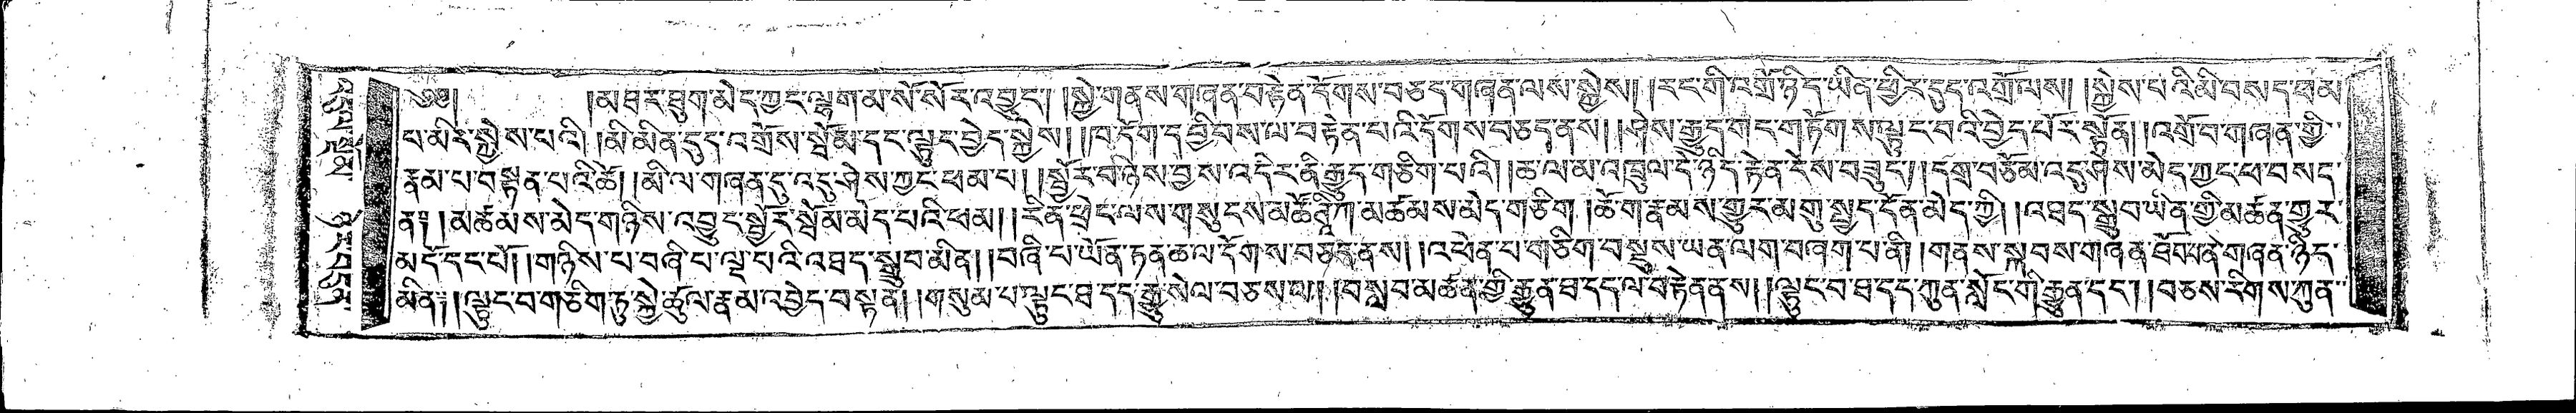༄༅། །མཐར་ཐུག་མེད་ཀྱང་ལྷག་མ་སོ་སོར་འབྱུང་། །སྐྱེ་གནས་གཞན་བརྟེན་དོགས་བཅད་གཞན་ལས་སྐྱེས། །རང་གི་འགྲོ་ཉིད་ཡིན་ཕྱིར་དུད་འགྲོ་ལས། །སྐྱེས་པའི་མི་བསད་ཕམ་
པ་མིར་སྐྱེས་པའི། །མི་མིན་དུད་འགྲོས་སྦོམ་དང་ལྟུང་བྱེད་སྐྱེས། །ཁ་དོག་དབྱིབས་ལ་བརྟེན་པའི་དོགས་བཅད་ནས། །ཤེས་རྒྱུད་གང་གཏོགས་ལྟུང་བའི་བྱེད་པོར་སྟོན། །འགྲོ་བ་གཞན་གྱི་
རྣམ་པ་བསྟན་པའི་ཚེ། །མི་ལ་གཞན་དུ་འདུ་ཤེས་ཀྱང་ཕམ་པ། །སྦྱོར་བ་ཉེས་བྱས་འདིར་ནི་རྒྱུད་གཅིག་པའི། །ཆ་ལ་མ་འཁྲུལ་དེ་ཉིད་རྟེན་ངེས་བཟུང་། །དགྲ་བཅོམ་འདུ་ཤེས་མེད་ཀྱང་ཕ་བསད་
ན༑ །མཚམས་མེད་གཉིས་འབྱུང་སྦྱོར་སྦོམ་མེད་པའི་ཕམ། །རིན་ཕྲེང་ལས་གསུངས་མཚོ་ཊཱིཀ་མཚམས་མེད་གཅིག །ཆོ་ག་རྣམས་གྱུར་མགུ་སྤྱད་དོན་མེད་ཀྱི། །འཐད་སྒྲུབ་ཡིན་གྱི་མཚན་གྱུར་
མདོ་དང་པོ། །གཉིས་པ་བཞི་པ་ལྔ་པའི་འཐད་སྒྲུབ་མིན། །བཞི་པ་ཡོན་ཏན་ཆ་ལ་དོགས་བཅད་ནས། །འཕེན་པ་གཅིག་བསྡུས་ཡན་ལག་བཞག་པ་ནི། །གནས་སྐབས་གཞན་ཐོབ་པ་ནི་གཞན་ཉིད་
མིན༑ །ལྟུང་བ་གཅིག་ཏུ་སྐྱེ་ཚུལ་རྣམ་འབྱེད་བསྟན། །གསུམ་པ་ལྟུང་ཐ་དད་རྒྱུ་སེལ་བཅས་ལ། །བསླབ་མཚན་གྱི་རྒྱུན་ཐ་དད་ལ་བརྟེན་ནས། །ལྟུང་བ་ཐ་དད་ཀུན་སློང་གི་རྒྱུན་དང་། །བཅས་རིགས་ཀུན་